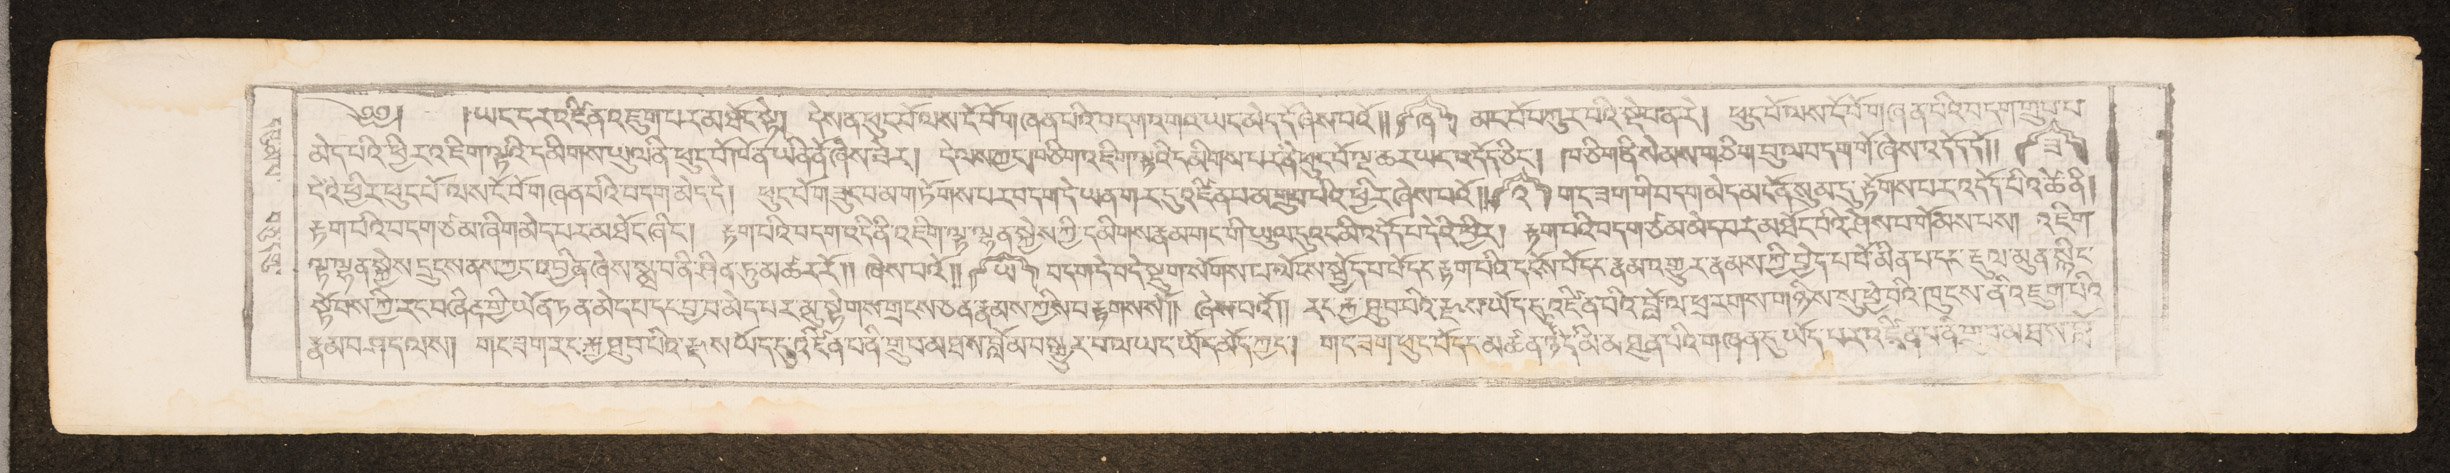༄༅། །ཡང་དར་འཛིན་འཇུག་པར་མཐོང་སྟེ། དེས་ན་ཕུང་པོ་ལས་ངོ་བོ་གཞན་པའི་བདག་འགའ་ཡང་མེད་དོ་ཞེས་པའོ།། ༼༽ཞ༼༽ མང་པོ་བཀུར་བའི་སྡེབ་ན་རེ། ཕུང་པོ་ལས་ངོ་བོ་གཞན་པའི་བདག་གྲུབ་པ་
མེད་པའི་ཕྱིར་འཇིག་ལྟའི་དམིགས་ཡུལ་ནི་ཕུང་པོ་ཁོ་ན་ཡིན་ནོ་ཞེས་ཟེར། དེ་ལས་ཀྱང་ཁ་ཅིག་འཇིག་ལྟའི་དམིགས་པར་ནི་ཕུང་པོ་ལྔ་ཆར་ཡང་འདོད་ཅིང་། ཁ་ཅིག་ནི་སེམས་གཅིག་བུ་ལ་བདག་གོ་ཞེས་འདོད་དོ།། ༼༽ཟ༼༽
དེའི་ཕྱིར་ཕུང་པོ་ལས་ངོ་བོ་གཞན་པའི་བདག་མེད་དེ། ཕུང་པོ་གཟུང་བ་མ་གཏོགས་པར་བདག་དེ་ཡན་གར་དུ་འཛིན་པ་མ་གྲུབ་པའི་ཕྱིར་ཞེས་པའོ།། ༼༽འ༼༽ གང་ཟག་གི་བདག་མེད་མངོན་སུམ་དུ་རྟོགས་པར་འདོད་པའི་ཚེ་ནི།
རྟག་པའི་བདག་ཙམ་ཞིག་མེད་པར་མཐོང་ཞིང་། རྟག་པའི་བདག་འདི་ནི་འཇིག་ལྟ་ལྷན་སྐྱེས་ཀྱི་དམིགས་རྣམ་གང་གི་ཡུལ་དུ་འང་མི་འདོད་པ་དེའི་ཕྱིར། རྟག་པའི་བདག་ཙམ་མེད་དཔར་མཐོང་བའི་ཤེས་པ་གོམས་པས། འཇིག་
ལྟ་ལྷན་སྐྱེས་དྲུངས་ནས་ཀྱང་འབྱིན་ཞེས་སྨྲ་བ་ནི་ཤིན་ཏུ་མཚར་རོ།། ཞེས་པའོ།། ༼༽ཡ༼༽ བདག་དེ་བདེ་སྡུག་སོགས་ལ་ལོངས་སྤྱོད་པ་པོ་དང་རྟག་པའི་དངོས་པོ་དང་རྣམ་འགྱུར་རྣམས་ཀྱི་བྱེད་པ་པོ་མིན་པ་དང་རྡུཨིལ་མུན་སྙིང་
སྟོབས་ཀྱི་རང་བཞིན་གྱི་ཡོན་ཏན་མེད་པ་དང་བྱ་བ་མེད་པར་མུ་སྟེགས་གྲངས་ཅན་རྣམས་ཀྱིས་བརྟགས་སོ།། ཞེས་པའོ།། རང་རྐྱ་ཐུབ་པའི་རྫས་ཡོད་དུ་འཛིན་པའི་བློ་ལ་ཕྲ་རགས་གཉིས་སུ་ཕྱེ་བའི་ཁུངས་ནི་འཇུག་པའི་
རྣམ་བཤད་ལས། གང་ཟག་རང་རྐྱ་ཐུབ་པའི་རྫས་ཡོད་དུ་འཛིན་པ་ནི་གྲུབ་མཐས་བློ་མ་སྒྲུར་བ་ལ་ཡང་ཡོད་མོད་ཀྱང་། གང་ཟག་ཕུང་པོ་དང་མཚན་ཉིད་མི་མཐུན་པའི་གཞན་དུ་ཡོད་པར་འཛིན་པ་ནི་གྲུབ་མཐས་བློ་